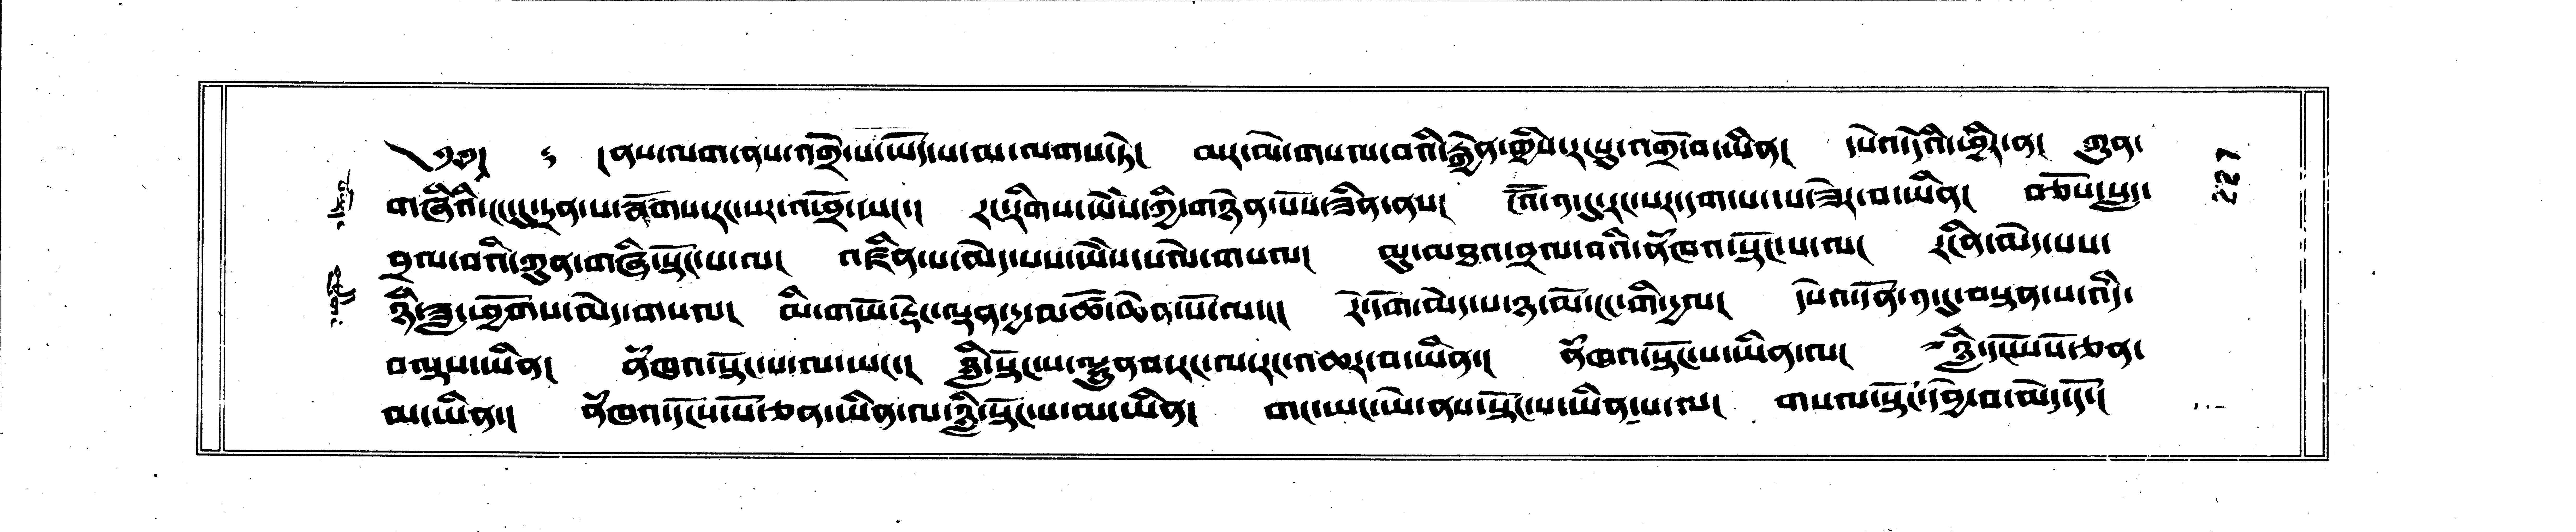ནས་ལོགས་སུ་འབྲོས་ས་ཡོད་པ་མ་ལགས་སྟེ། མར་མེ་གསལ་བའི་རྐྱེན་གྱིས་རང་དངས་སུ་འགྲོ་བ་ཡིན། དཔེ་དེའི་ཕྱིར་ན། ཀུན་
གཞིའི་ངང་དུ་དྲན་པ་སྣ་ཚོགས་རང་ཁར་འཕྲོ་ཡང་། རང་རིག་ཡེ་ཤེས་ཀྱིས་གཉེན་པོས་ངོས་ཟིན་ནས། ངོའོ་གཅིག་ཏུ་རང་སར་དག་པ་ལ་ཟེར་བ་ཡིན། བཅོས་བསླད་
བྲལ་བའི་ཀུན་གཞི་སྟོང་པ་ལ། འཛིན་པ་མེད་པའི་ཡེ་ཤེས་སལེ་གསལ། མུ་མཐའ་བྲལ་བའི་ནམ་མཁའ་སྟོང་པ་ལ། རང་བཞིན་མེད་པའི་
ཉི་ཟླ་ཕྱོགས་མེད་གསལ། མི་གཡོ་རྡིང་ལྡན་རྒྱ་མཚོ་ཆེན་པོ་ལ། རེ་དོག་བྲལ་བའི་ཉ་མོ་ངང་གིས་སྐྱལ། དཔེ་དོན་གཅིག་ཏུ་བསྟན་པ་འདི་
ལྟར་ཡིན། ནམ་མཁའ་སྟོང་པ་ལ་ཡང་། ཉི་ཟླ་སྟོང་པ་ལྷུན་གྲུབ་རང་ལ་རང་འཆར་བ་ཡིན། ནམ་མཁའ་སྟོང་པ་ཡིན་ལ། ཉི་ཟླ་དངོས་པོ་ཅན་
མ་ཡིན། ནམ་མཁའ་དངོས་པོ་ཅན་ཡིན་ལ། ཉི་ཟླ་སྟོང་པ་མ་ཡིན། གང་ཡང་ཡེ་ནས་སྟོང་པ་ཡིན་བས་ན། གསལ་སྟོང་དབྱེ་བ་མེད་དོ།